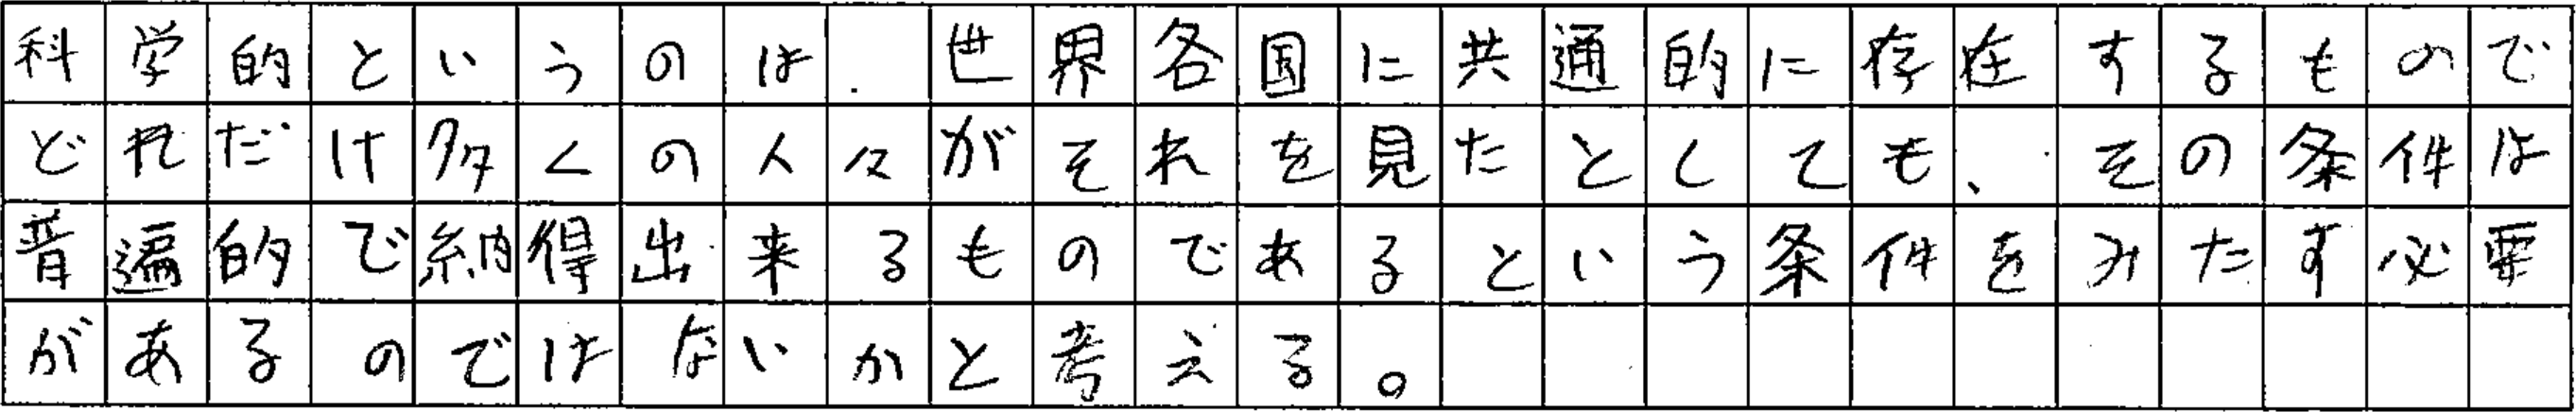科学的というのは、世界各国に共通的に存在するものでどれだけ多くの人々がそれを見たとしても、その条件は普遍的で納得出来るものであるという条件をみたす必要があるのではないかと考える。
